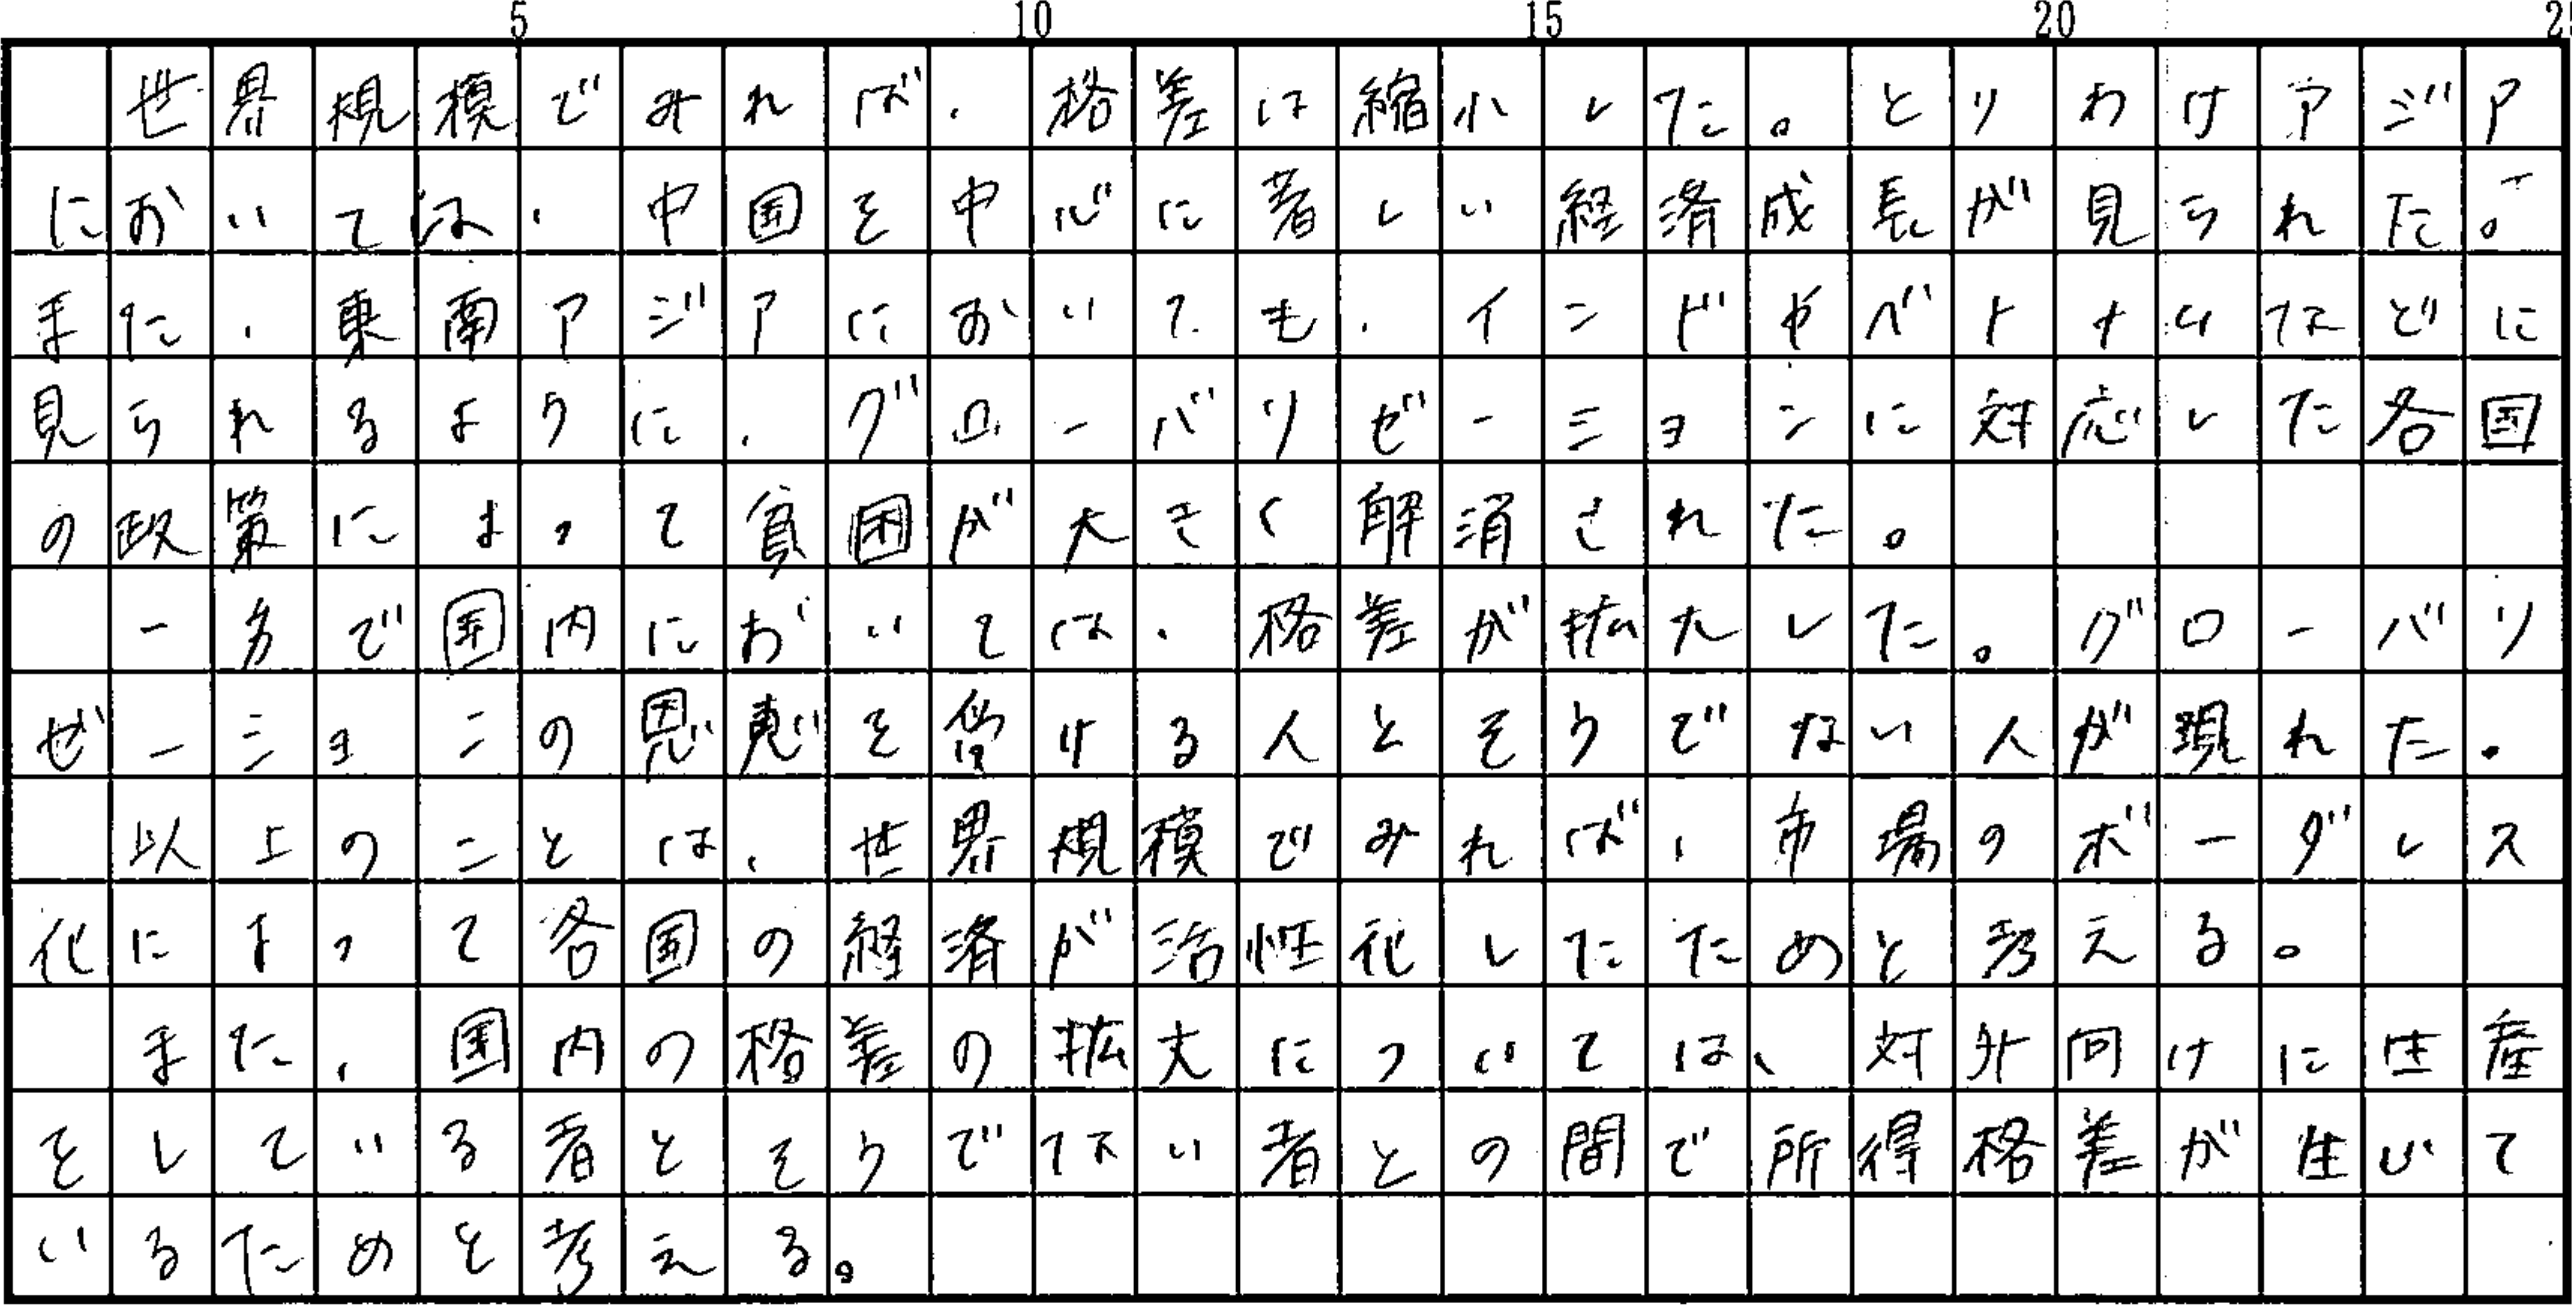　世界規模でみれば、格差は縮小した。とりわけアジアにおいては、中国を中心に著しい経済成長が見られた。また、東南アジアにおいても、インドやベトナムなどに見られるように、グローバリゼーションに対応した各国の政策によって貧困が大きく解消された。
　一方で国内においては、格差が拡大した。グローバリゼーションの恩恵を受ける人とそうでない人が現れた。
　以上のことは、世界規模でみれば、市場のボーダレス化によって各国の経済が活性化したためと考える。
　また、国内の格差の拡大については、対外向けに生産をしている者とそうでない者との間で所得格差が生じているためと考える。
